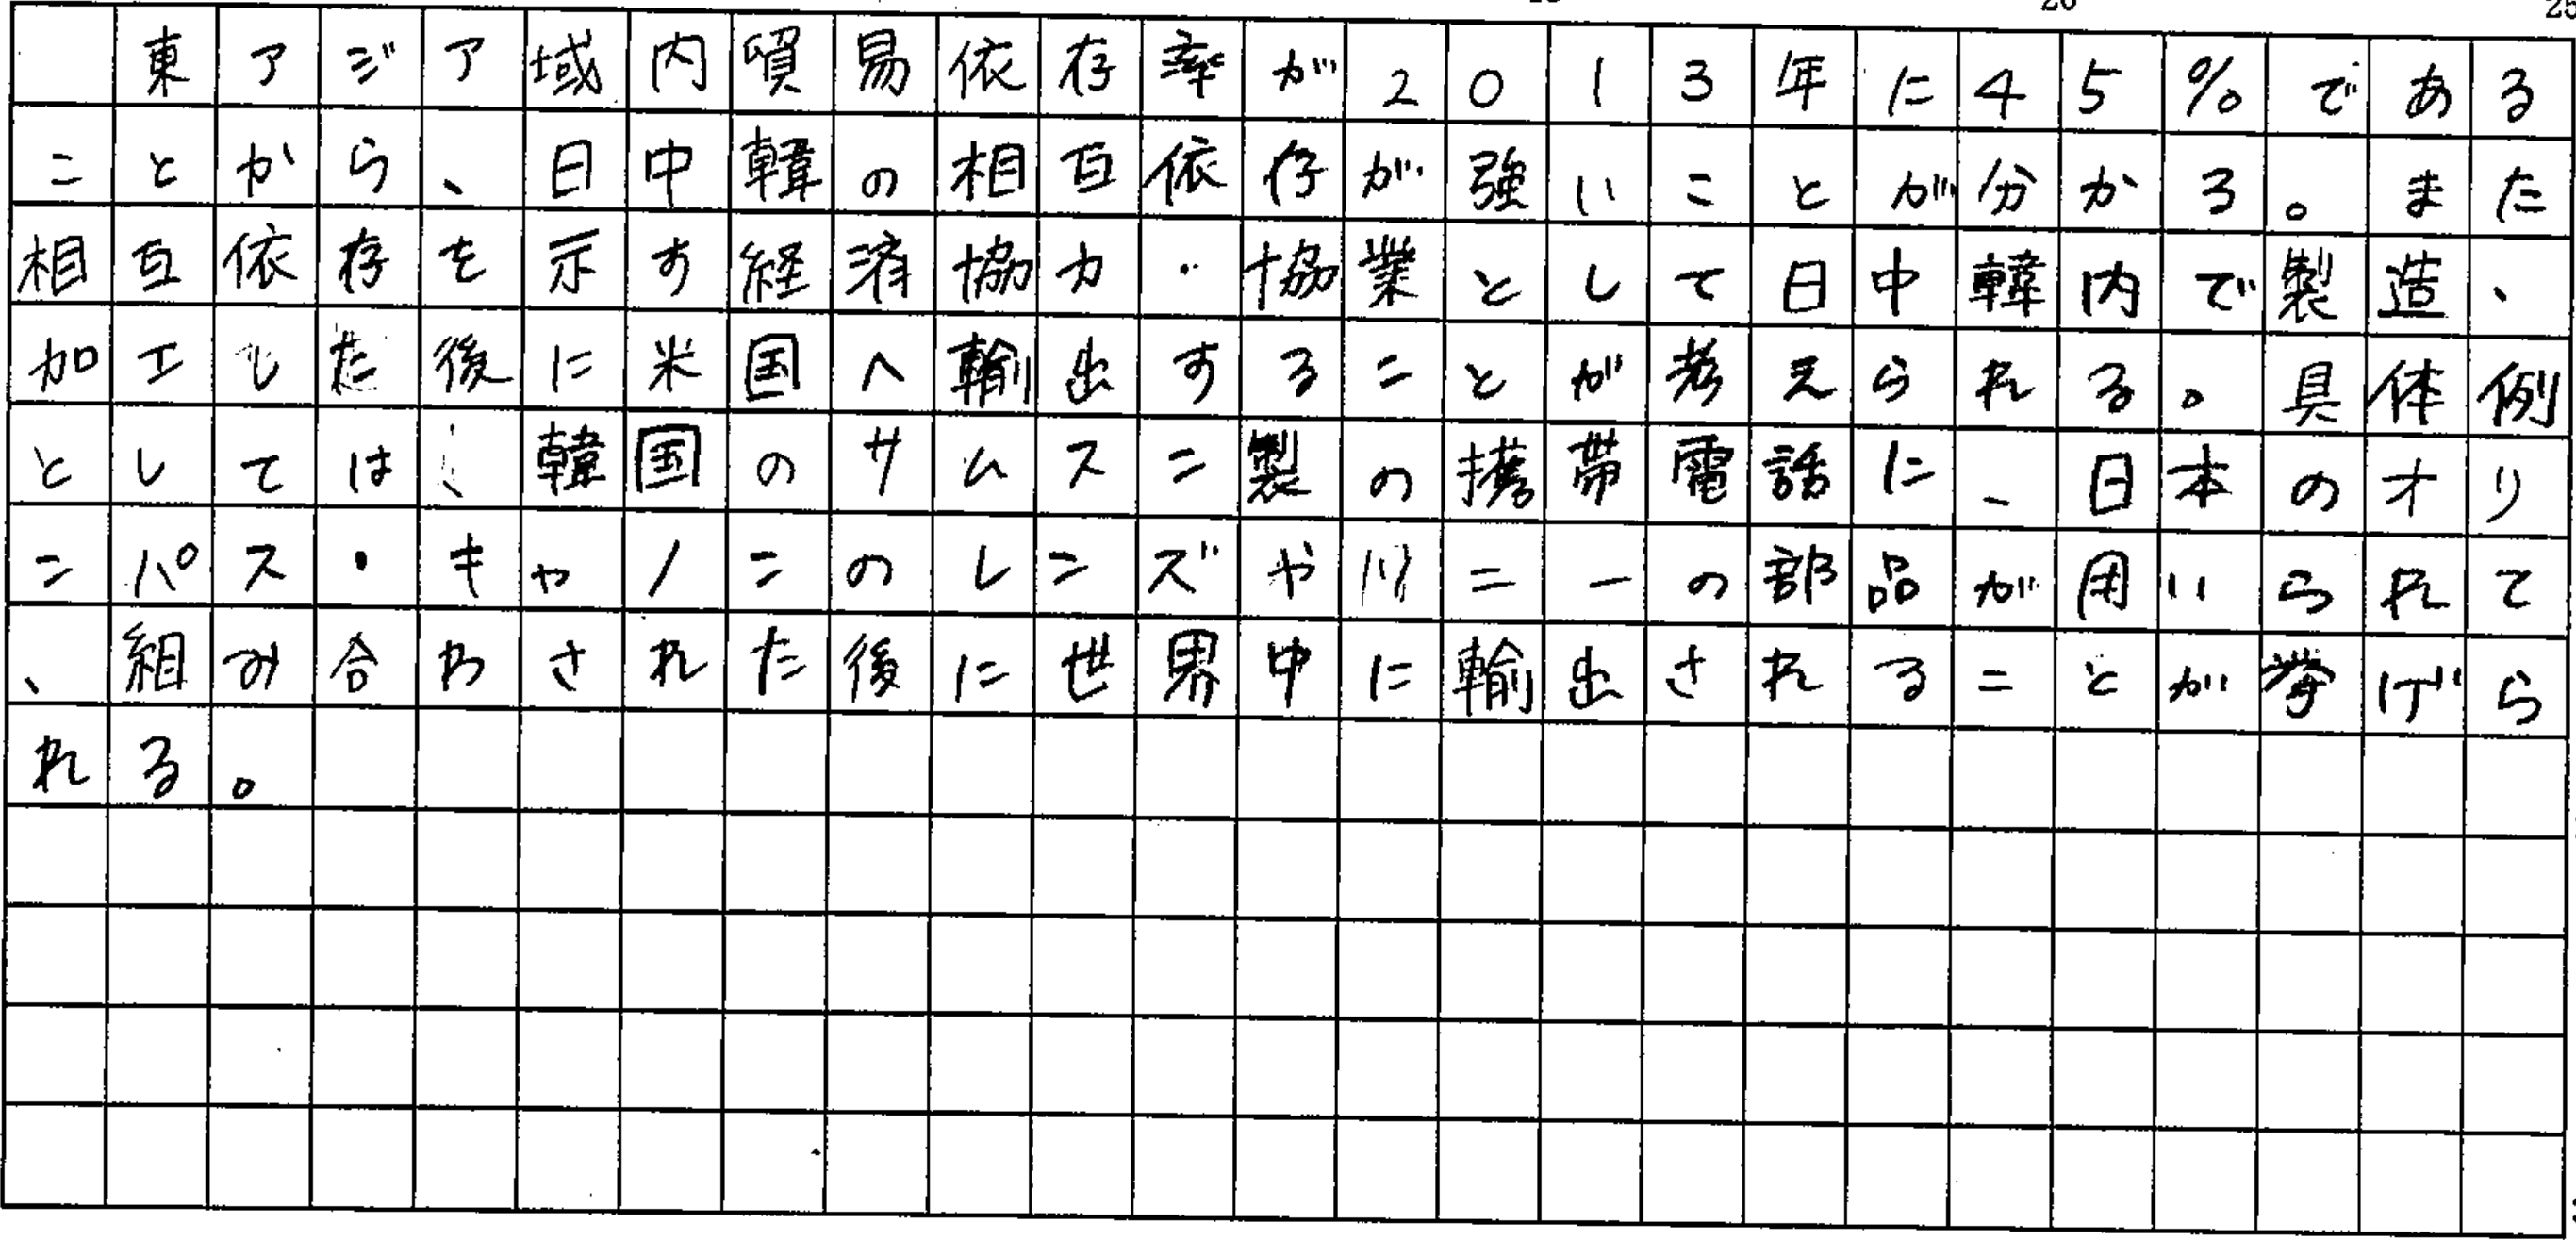　東アジア域内貿易依存率が２０１３年に４５％であることから、日中韓の相互依存が強いことが分かる。また相互依存を示す経済協力・協業として日中韓内で製造、加工した後に米国へ輸出することが考えられる。具体例としては、韓国のサムスン製の携帯電話に、日本のオリンパス・キャノンのレンズやソニーの部品が用いられて、組み合わされた後に世界中に輸出されることが挙げられる。
